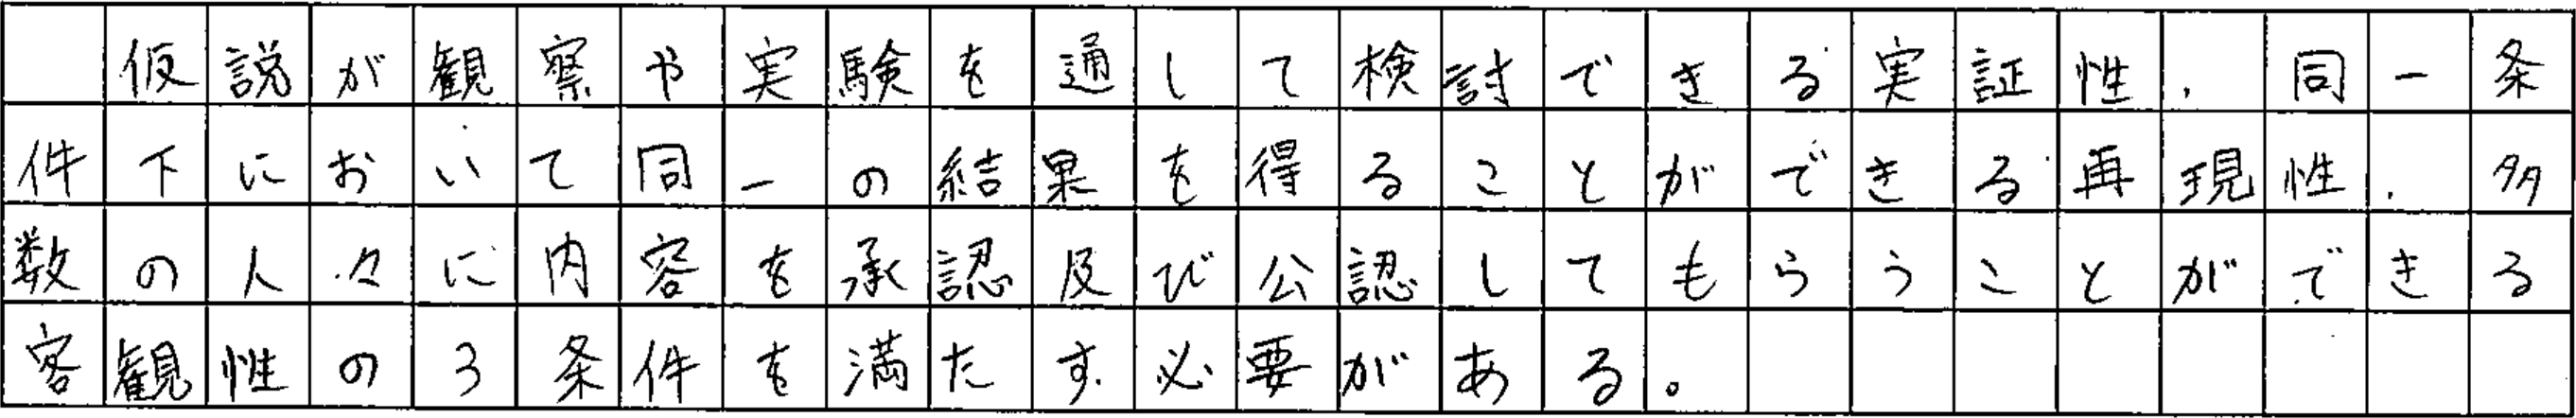　仮説が観察や実験を通して検討できる実証性、同一条件下において同一の結果を得ることができる再現性、多数の人々に内容を承認及び公認してもらうことができる客観性の３条件を満たす必要がある。
